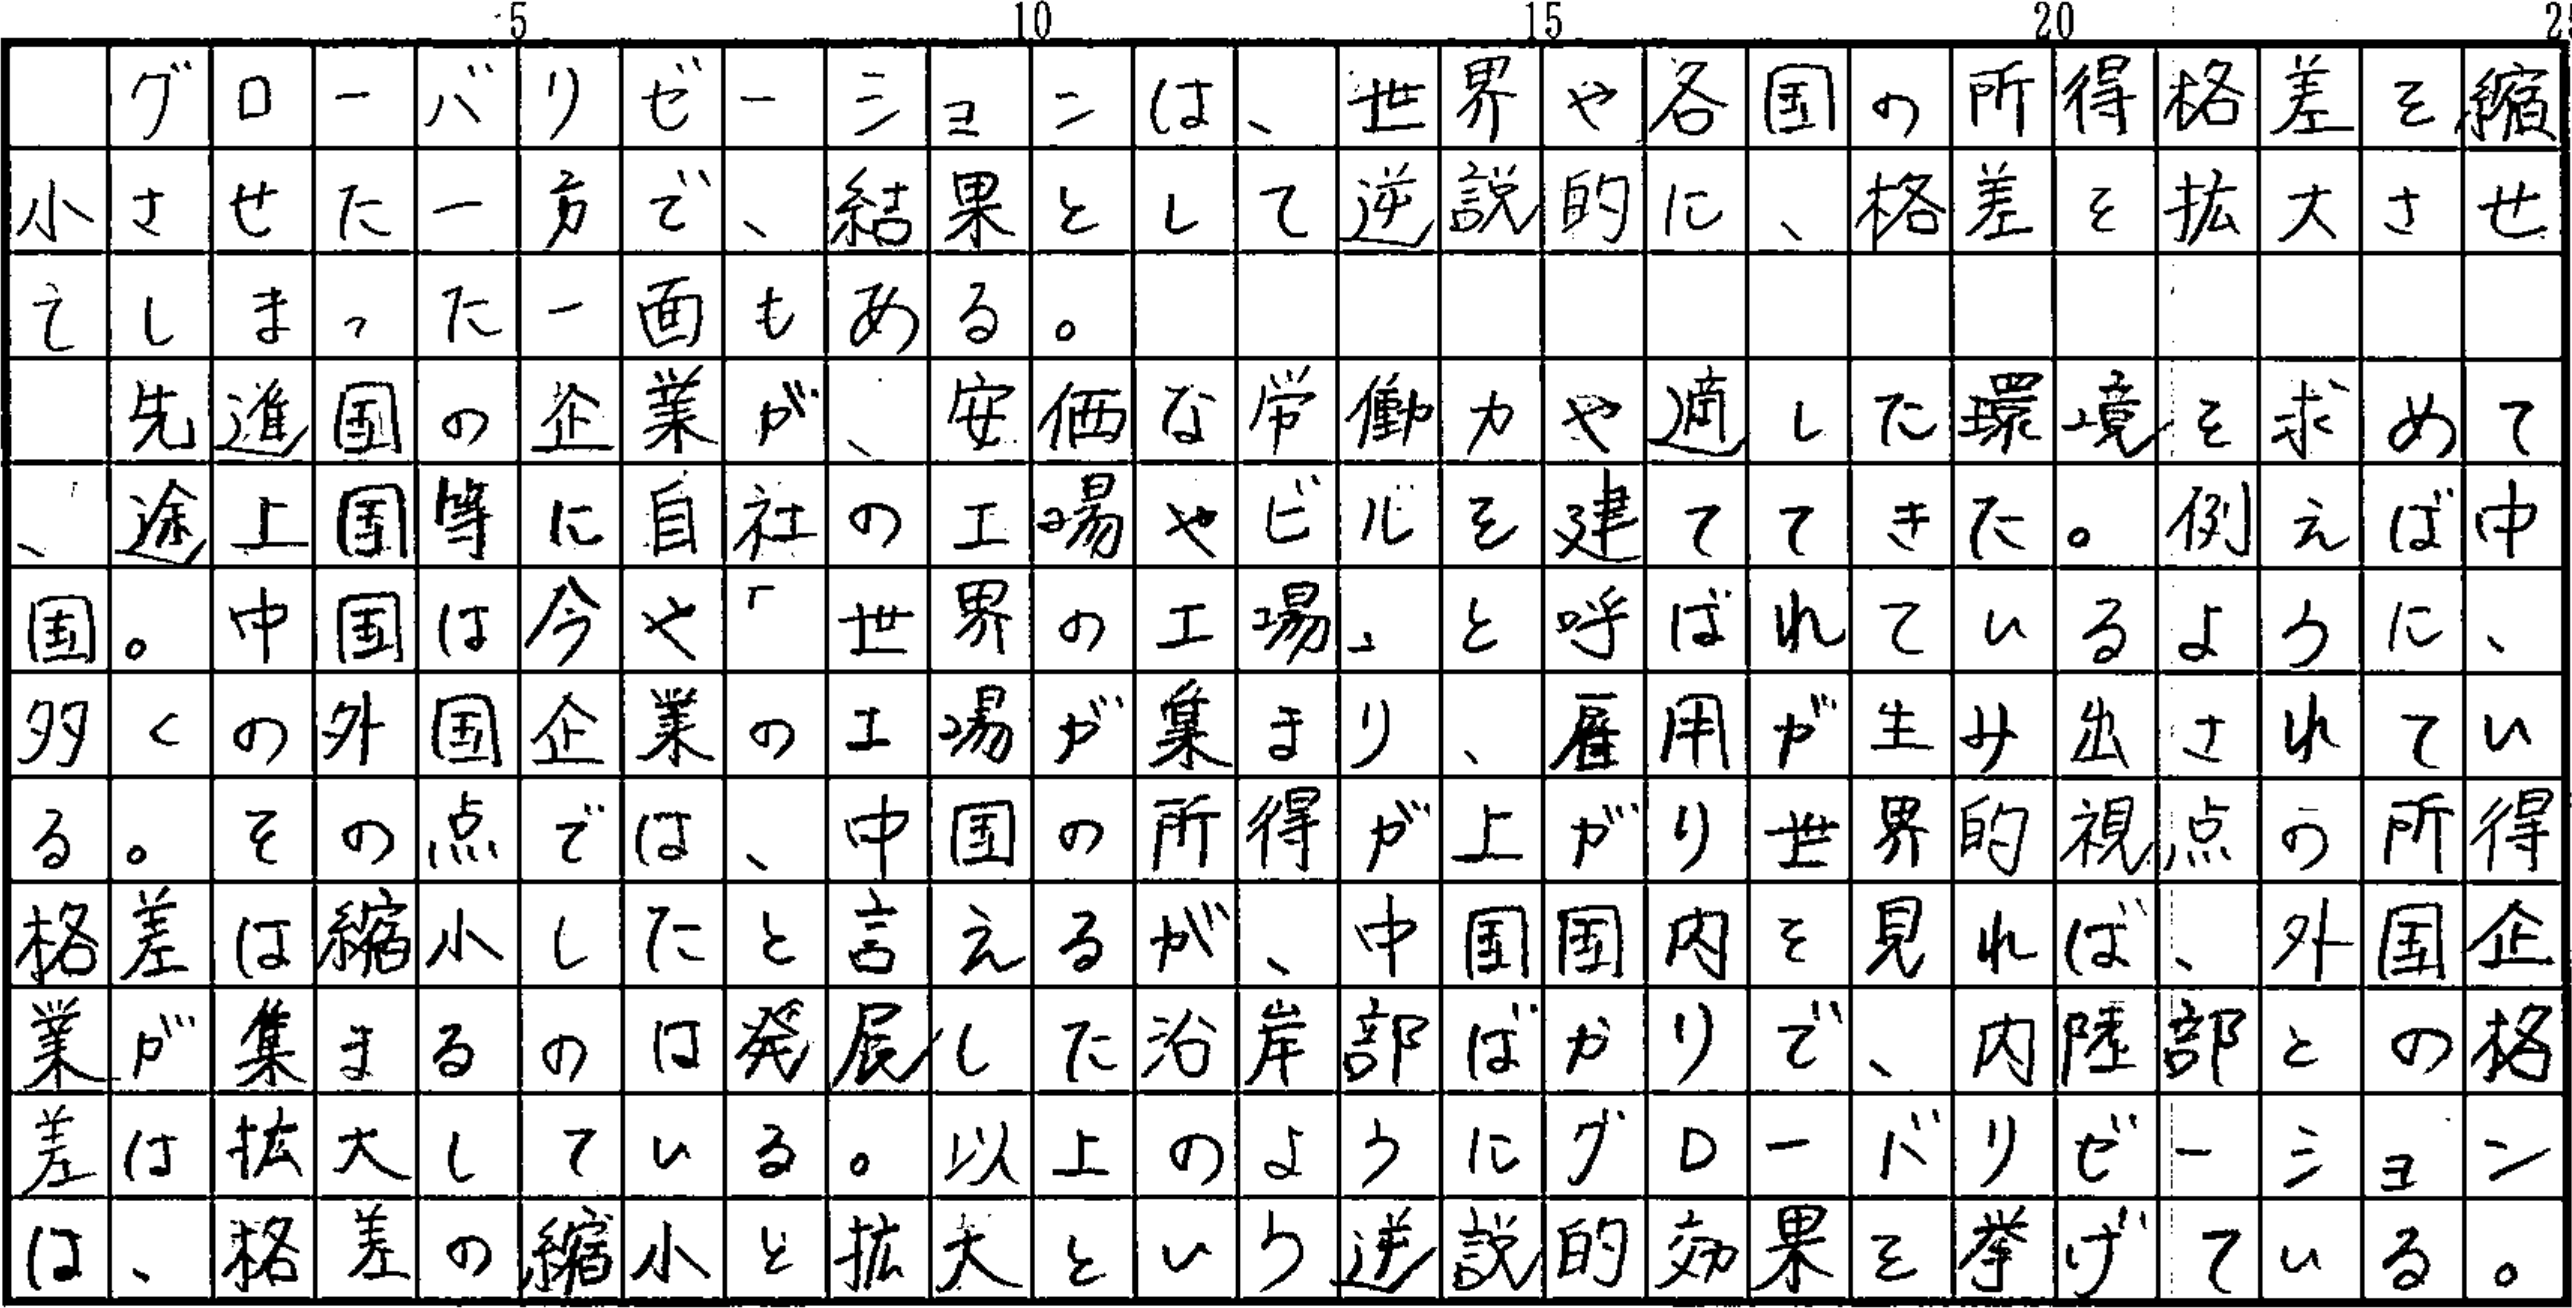　グローバリゼーションは、世界や各国の所得格差を縮小させた一方で、結果として逆説的に、格差を拡大させてしまった一面もある。
　先進国の企業が、安価な労働や適した環境を求めて、途上国等に自社の工場やビルを建ててきた。例えば中国。中国は今や「世界の工場」と呼ばれているように、多くの外国企業の工場が集まり、雇用が生み出されている。その点では、中国の所得が上がり世界的視点の所得格差は縮小したと言えるが、中国国内を見れば、外国企業が集まるのは発展した沿岸部ばかりで、内陸部との格差は拡大している。以上のようにグローバリゼーションは、格差の縮小と拡大という逆説的効果を挙げている。
